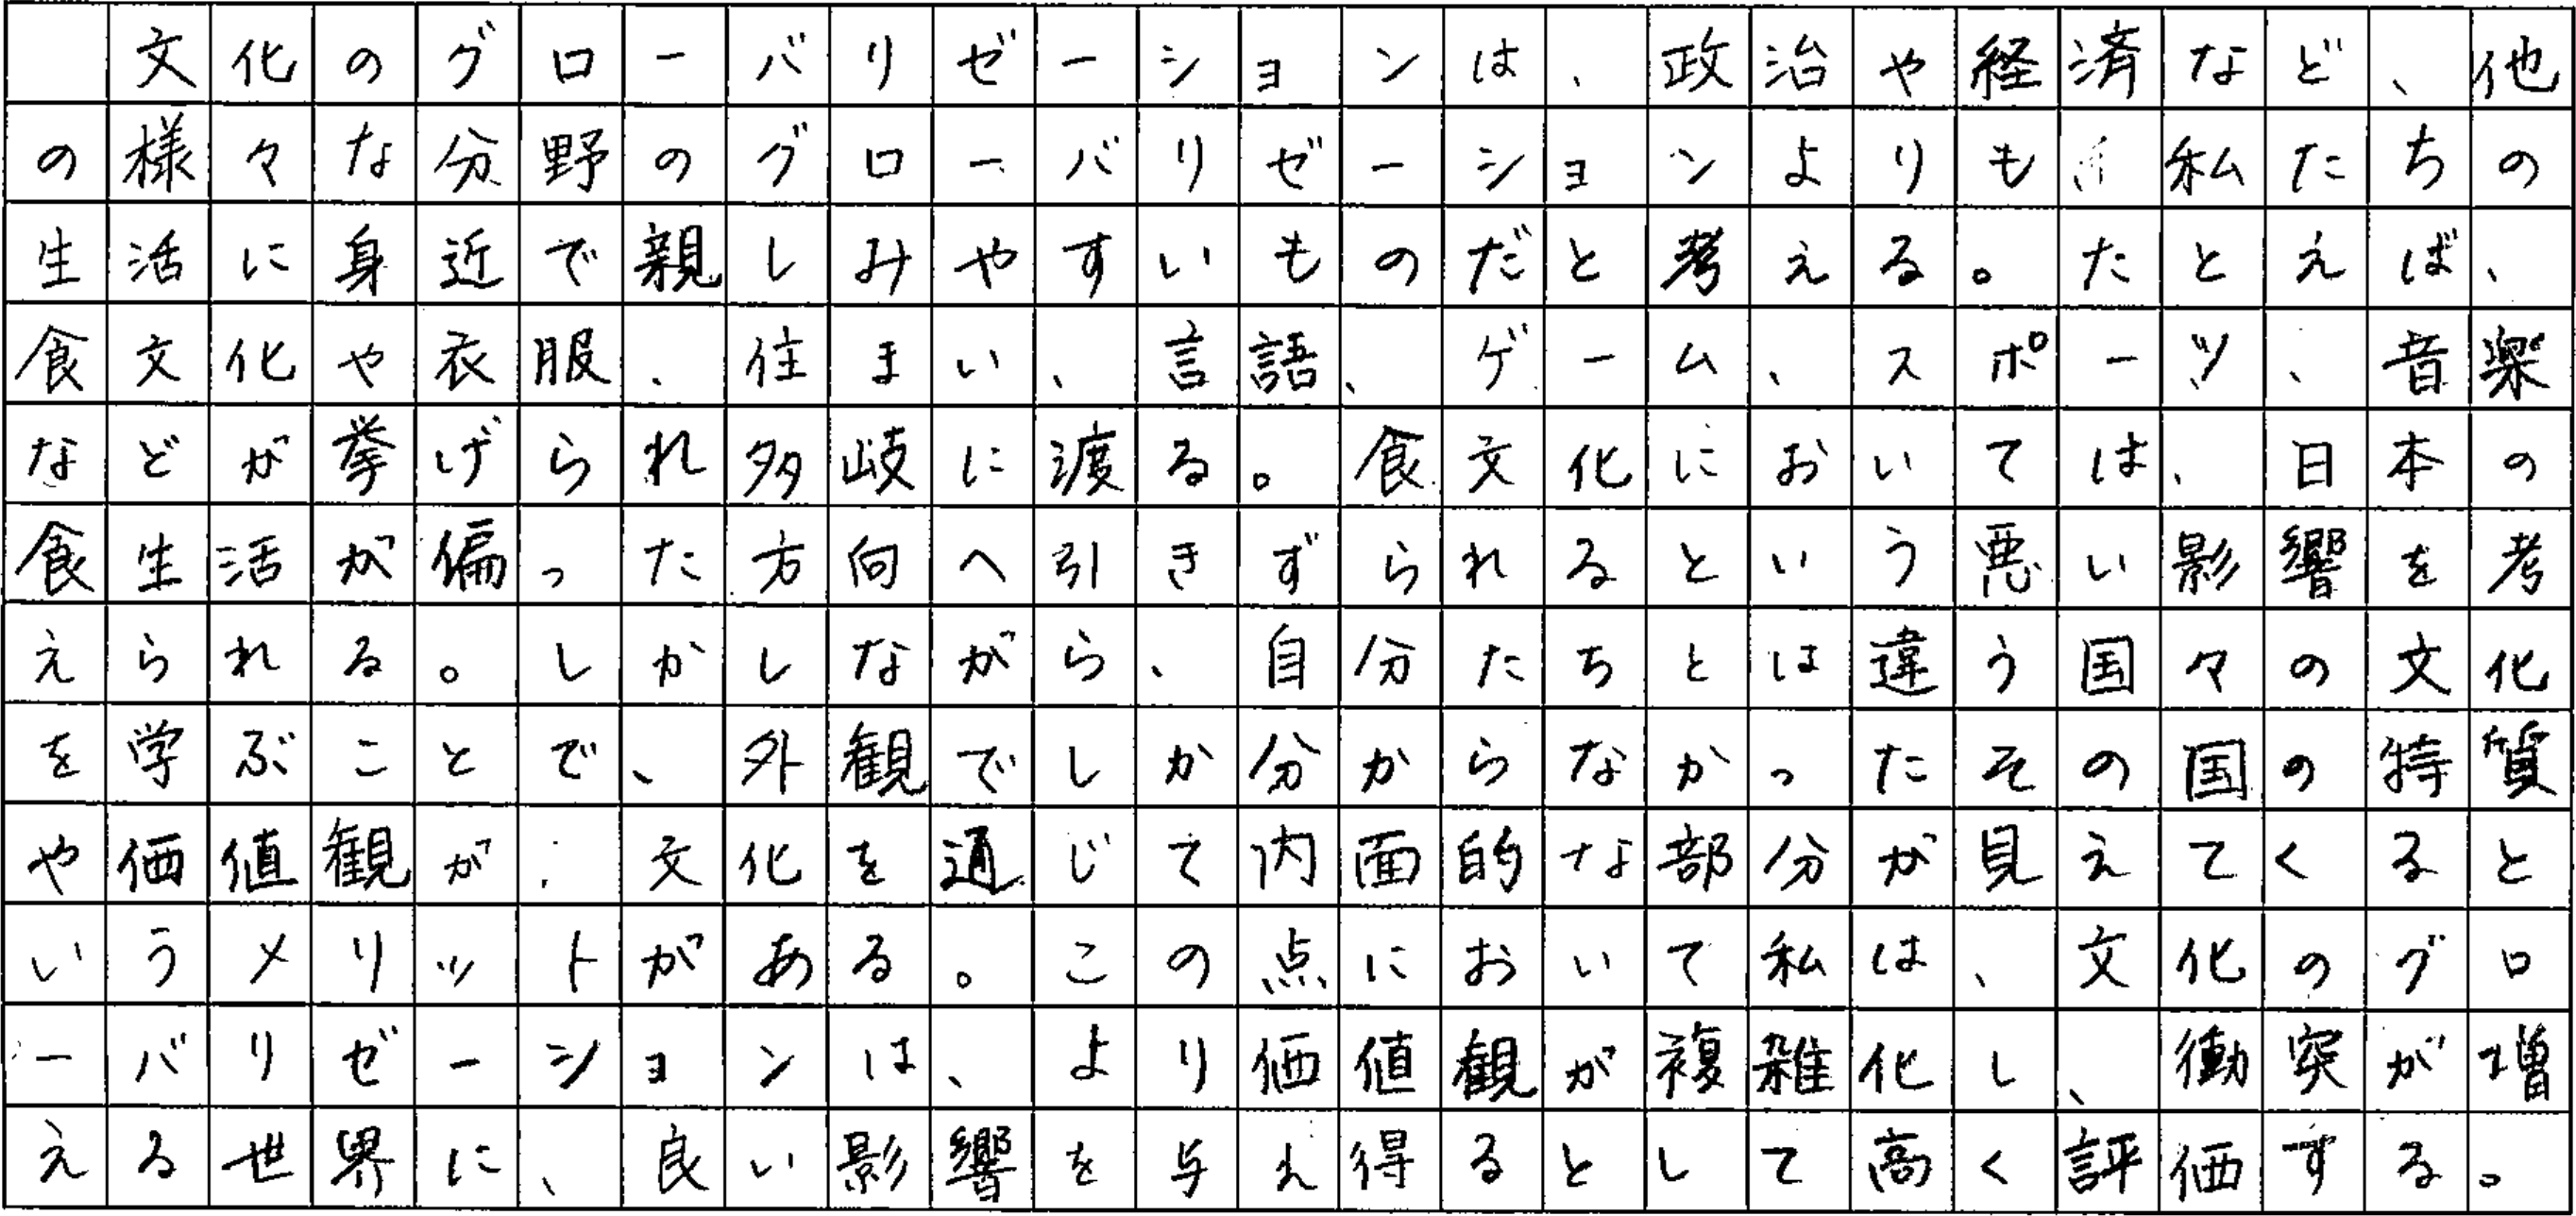　文化のグローバリゼーションは、政治や経済など、他の様々な分野のグローバリゼーションよりも、私たちの生活に身近で親しみやすいものだと考える。たとえば、食文化や衣服、住まい、言語、ゲーム、スポーツ、音楽などが挙げられ多岐に渡る。食文化においては、日本の食生活が偏った方向へ引きずられるという悪い影響を考えられる。しかしながら、自分たちとは違う国々の文化を学ぶことで、外観でしか分からなかったその国の特質や価値観が、文化を通じて内面的な部分が見えてくるというメリットがある。この点において私は、文化のグローバリゼーションは、より価値観が複雑化し、▁突が増える世界に、良い影響を与え得るとして高く評価する。
